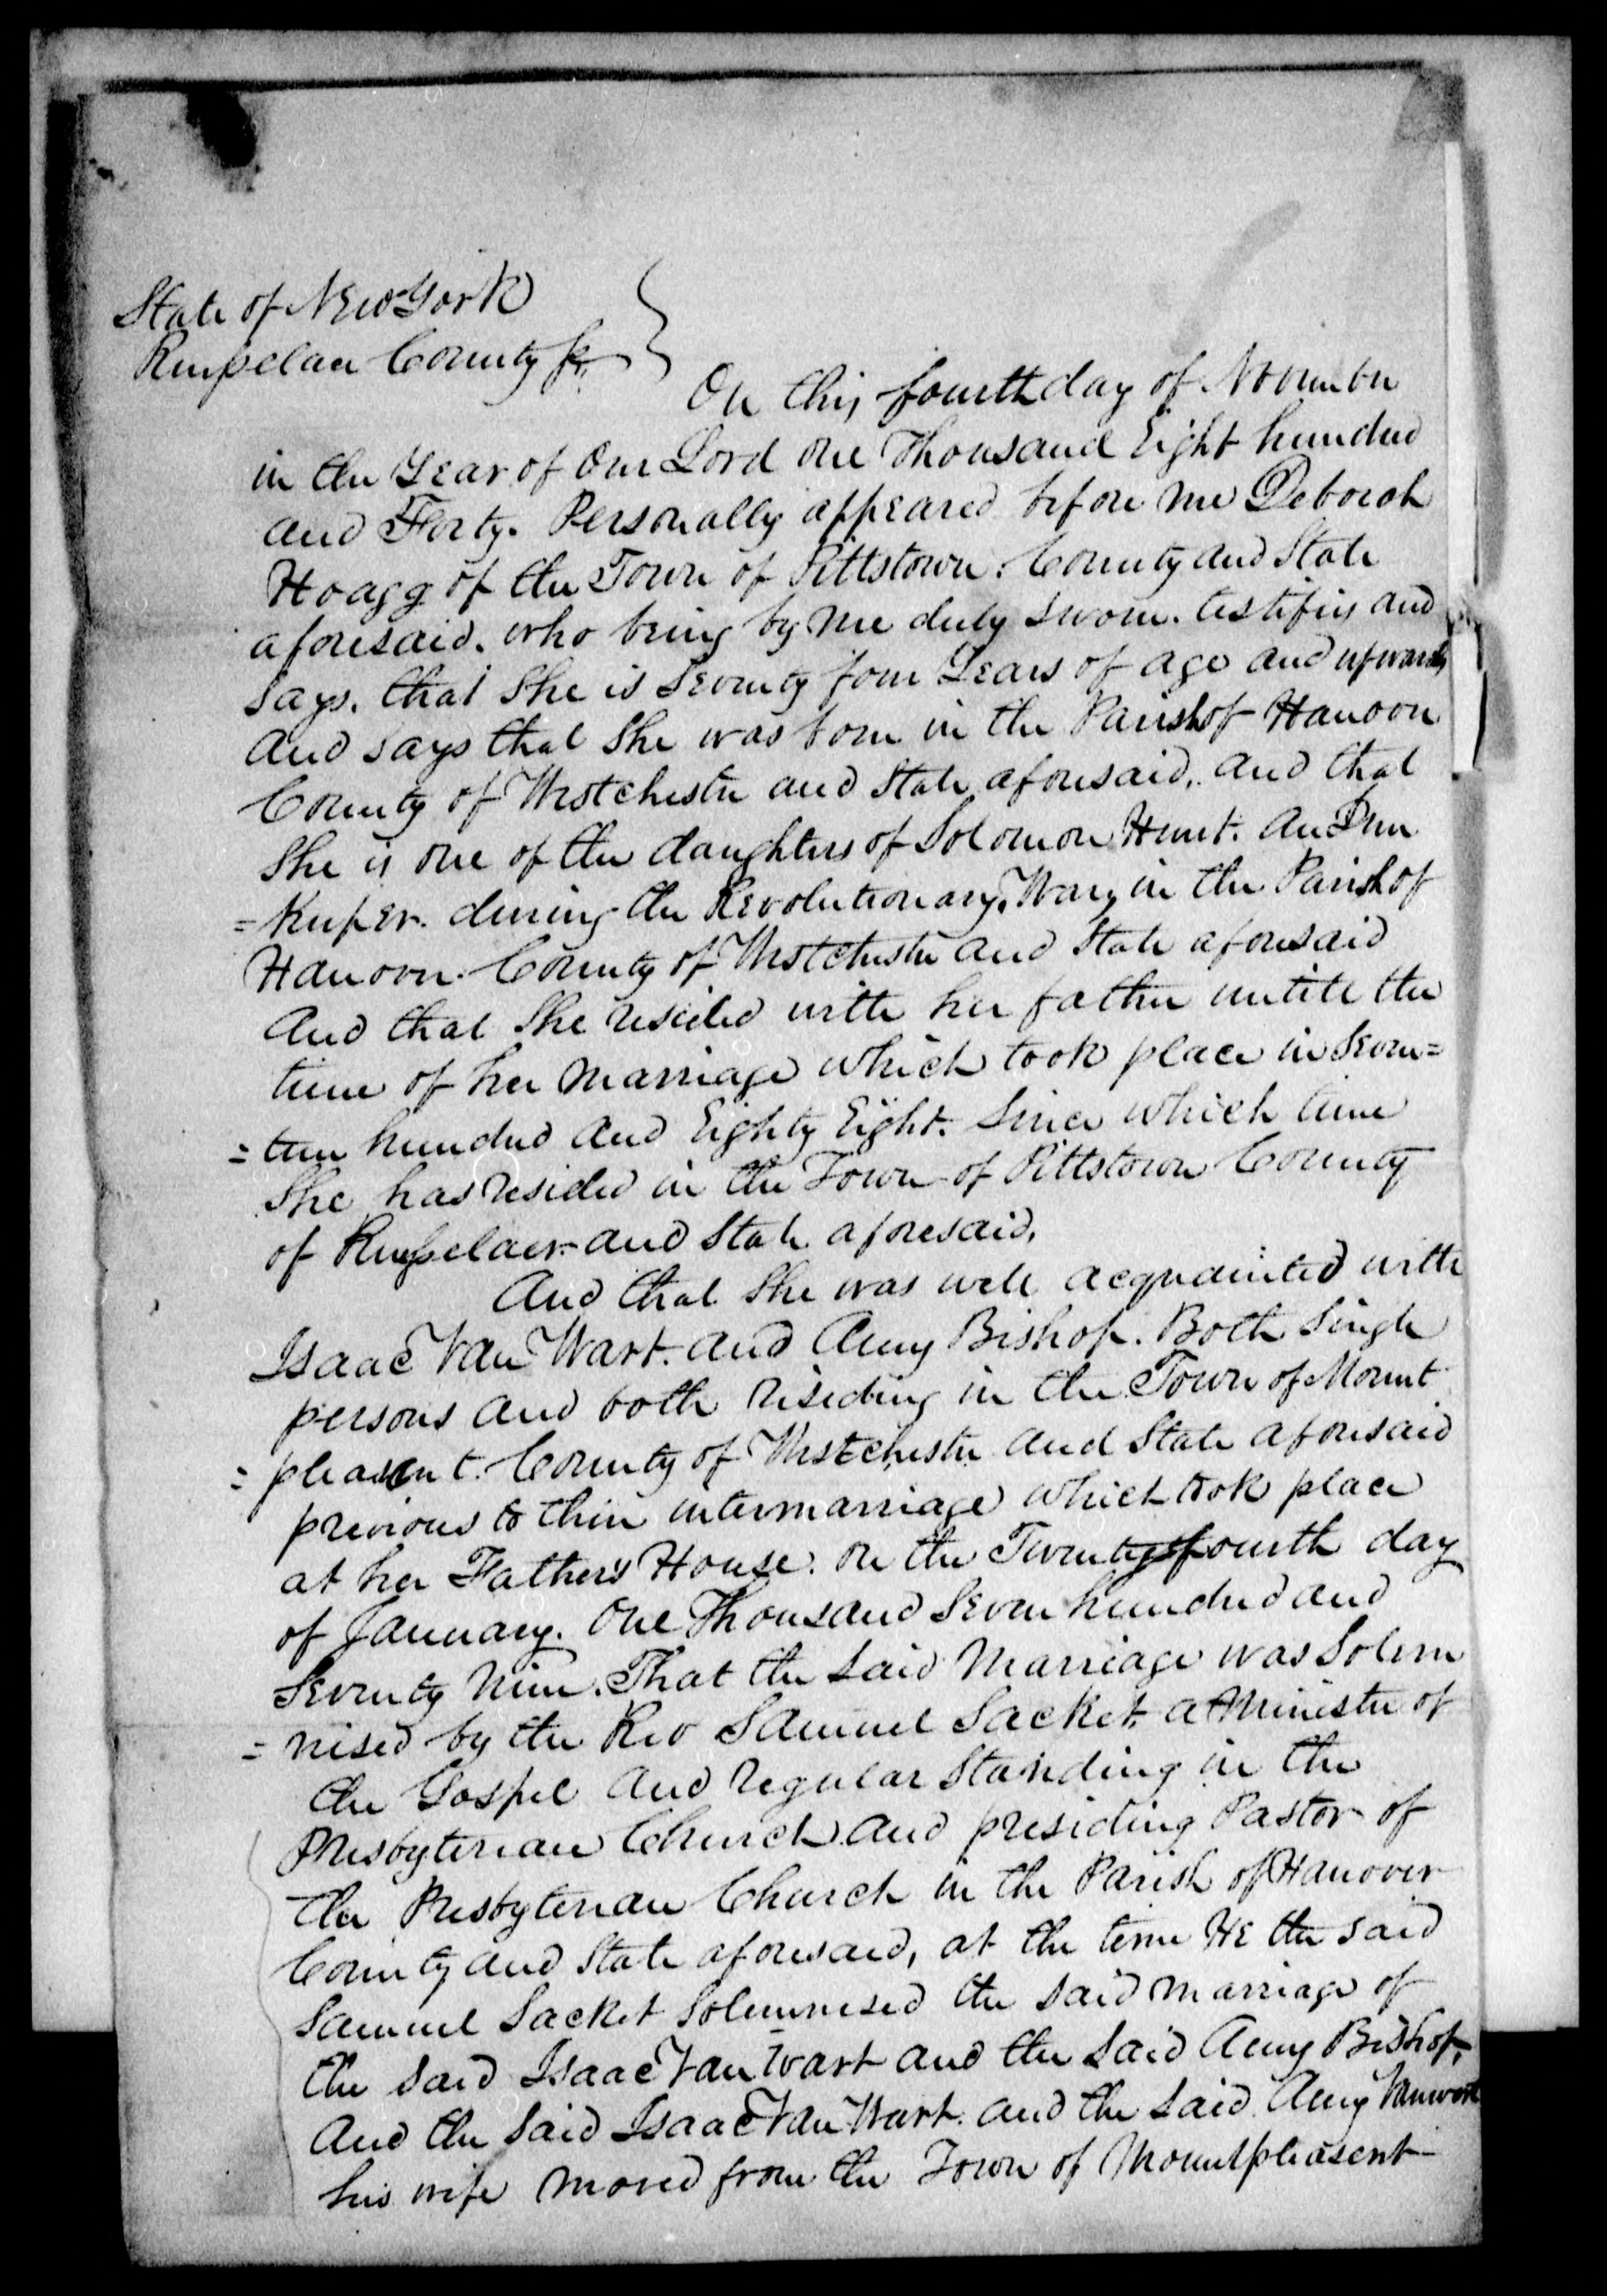State of New York
Rensselaer County

    On this fourth day of November in the year of Our Lord one Thousand Eight hundred and Forty.  Personally appeared before me Deborah Hoagg of the Town of Pittstown:  County and State aforesaid.  who being by me duly sworn testifies and says that she is Seventy four Years of Age and upwards  And says that she was born in the Parish of Hanover County of Westchester and State aforesaid, and that she is one of the daughters of Solomon Hunt.  And housekeeper during the Revolutionary War, in the Parish of Hanover County of Westchester and State aforesaid and that she resided with her father until the time of her marriage which took place in Seventeen hundred and Eighty Eight.  Since which time she has resided in the Town of Pittstown County of Rensselaer and State aforesaid,

    And that she was well acquainted with Isaac Van Wart and Amy Bishop.  Both single persons and both residing in the Town of Mount Pleasant County of Westchester and State aforesaid previous to their intermarriage which took place at her Father's House.  On the Twenty fourth day of January One Thousand Seven hundred and Seventy nine.  That the said marriage was solemnised by the Rev Samuel Sacket, a Minister of the Gospel and regular standing in the Presbyterian Church and presiding Pastor of the Presbyterian Church in the Parish of Hanover County and State aforesaid, at the time He the said Samuel Sacket Solemnised the said marriage of the said Isaac Van Wart and the Said Amy Bishop, And the said Isaac Van Wart and the said Amy Van Wart his wife moved from the town of Mountpleasent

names: Amy Bishop, Solomon Hunt, Isaac Van Wart, Isaac Van Wart, Amy Bishop, Amy Vanwort, Samuel Sacket, Samuel Sacket, Isaac Van Wart, Deborah Hoagg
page: 77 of 102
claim: widow's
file: W. 18239, Isaac Van Wart, New York